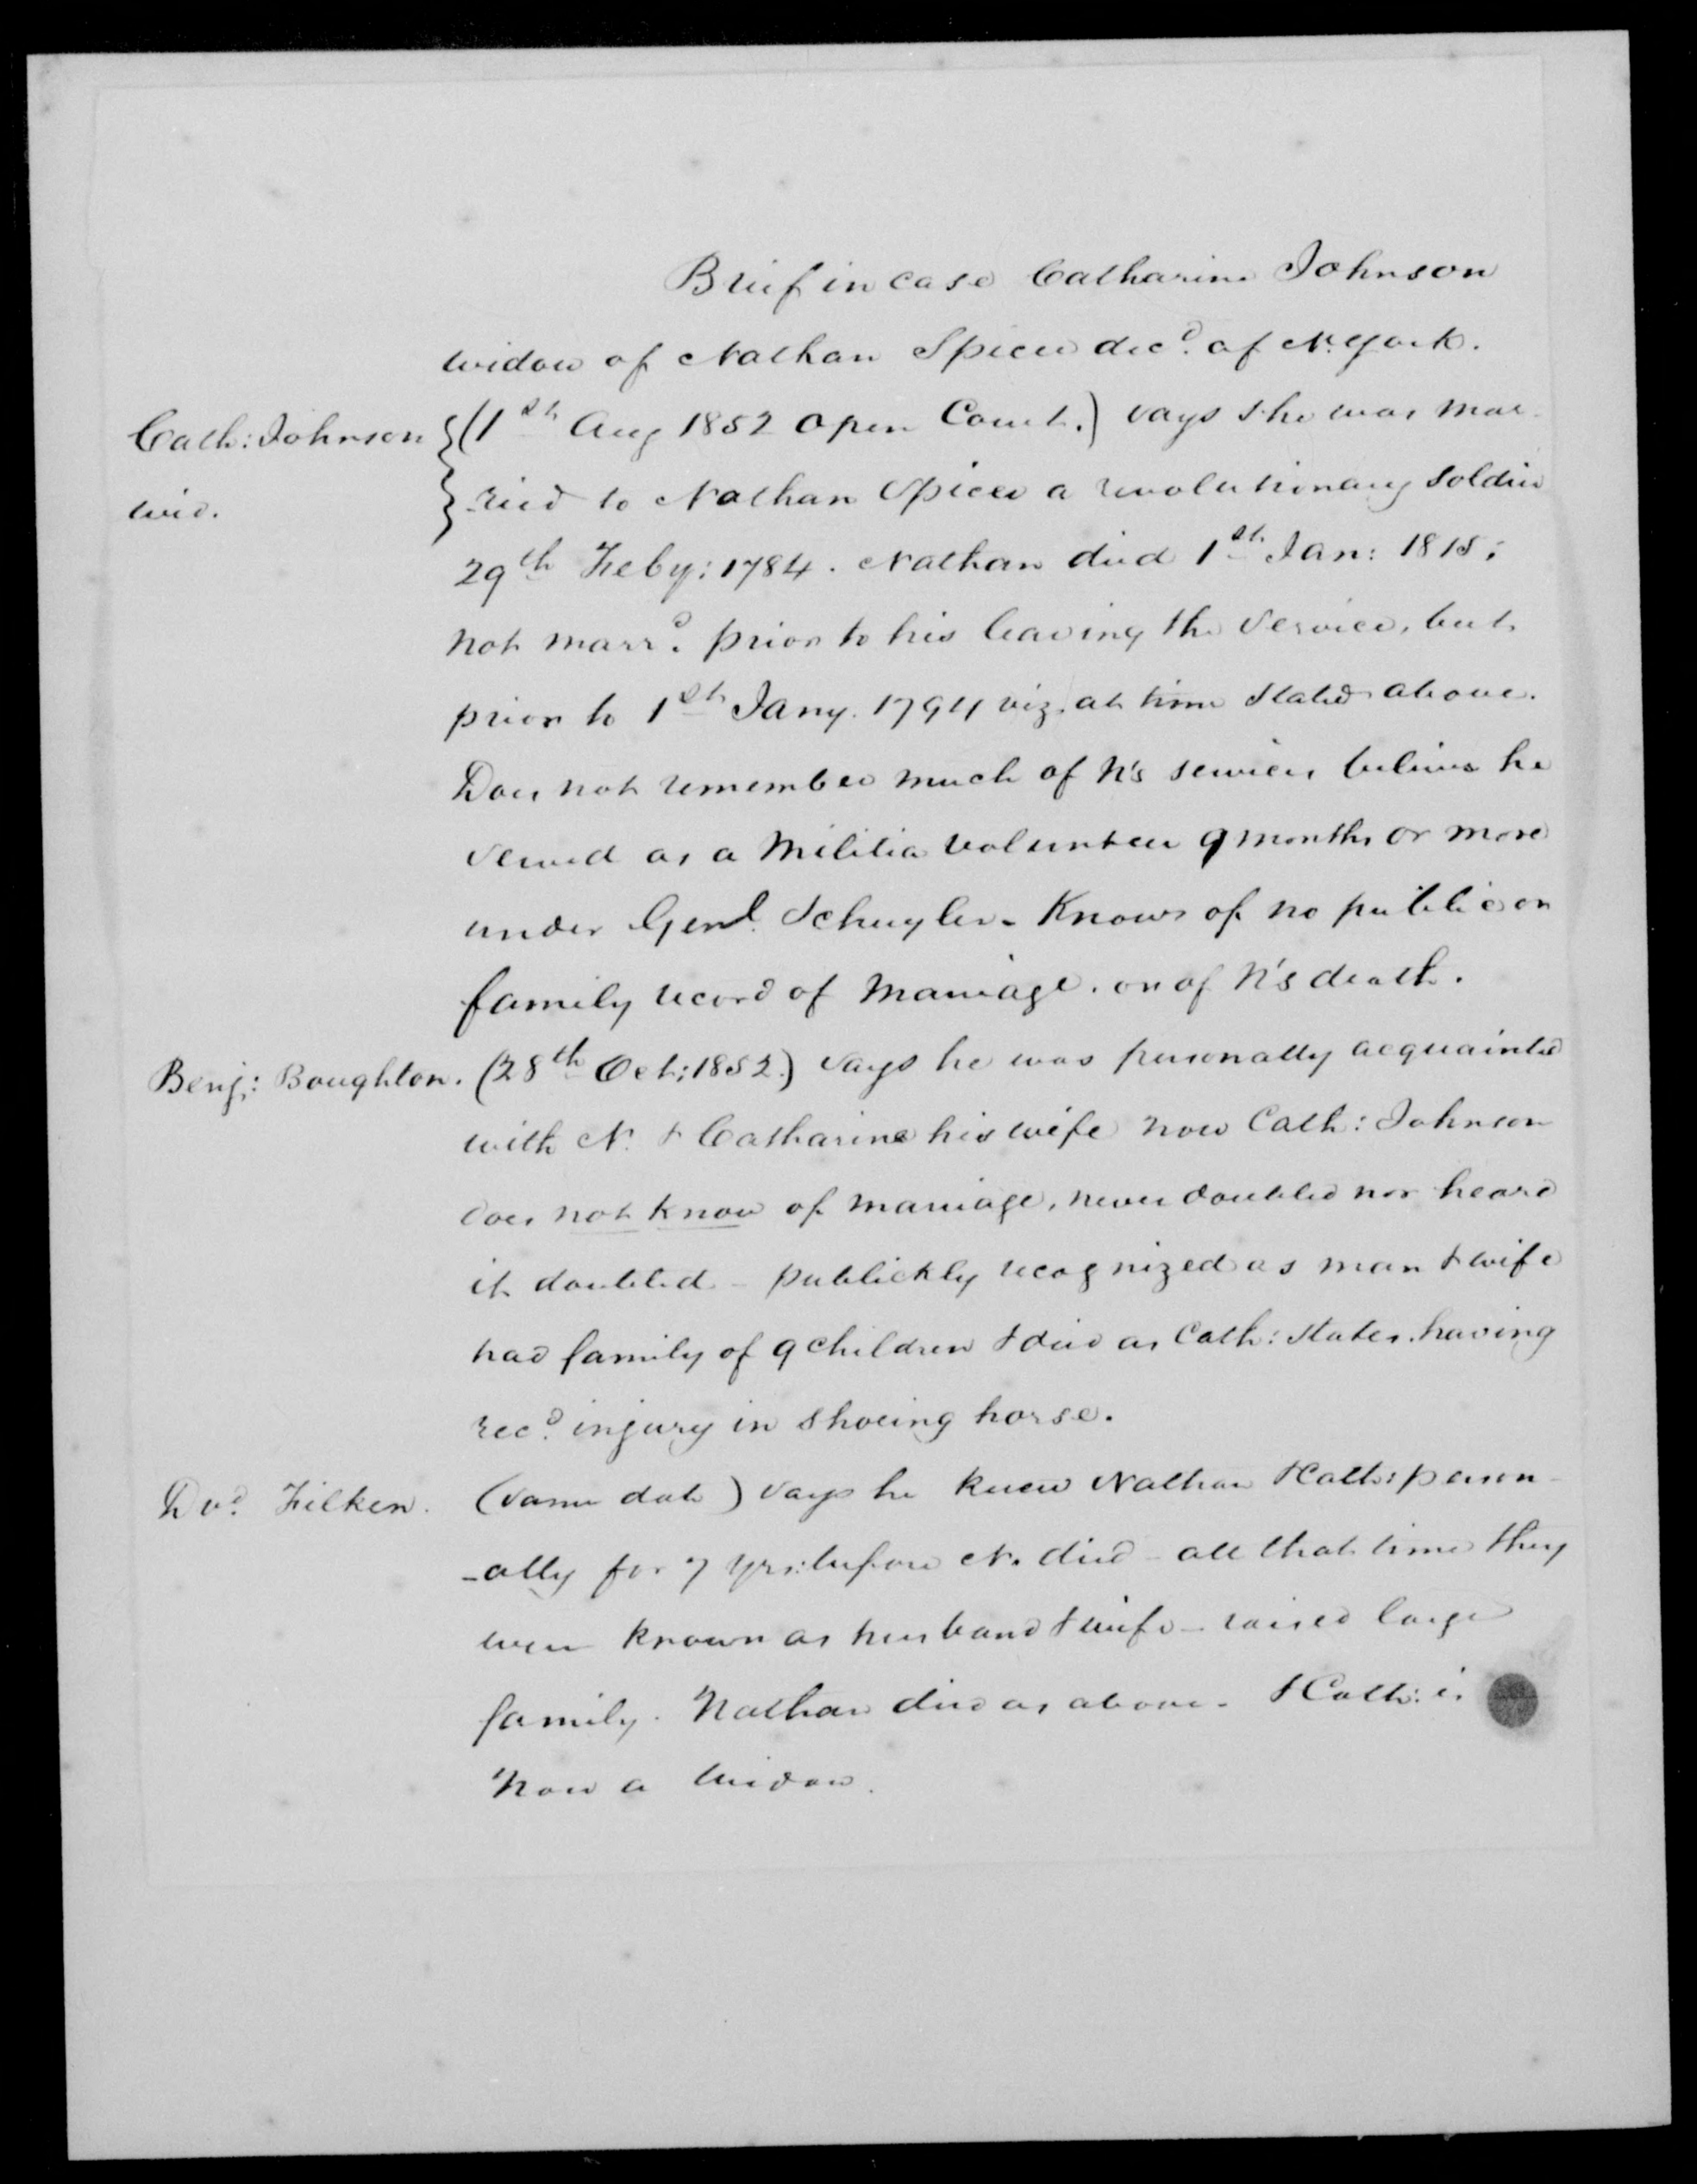Brief in case Catharine Johnson widow of Nathan Spicer decd. of N. York.
Cath. Johnson Wid. (1st Aug 1852 open Court.) says she was married to Nathan Spicer a revolutionary soldier 29th Feby. 1784. Nathan died 1st Jan. 1815. Not marrd. prior to his leaving the service, but prior to 1st Jany 1794 viz. at time stated above.
Does not remember much of his service, believes he served as a militia volunteer 9 months, or more under Genl. Schuyler. Knows of no public or family record of marriage or of his death.
Benj. Boughton. (28th Oct, 1952) says he was personally acquainted with N. & Catharine his wife now Cath. Johnson. Does not know of marriage, never doubted nor heard it doubted publickly recognized as man & wife, had family of 9 children & died as Cath. states having recd. injury in shoeing horse.
Dvd. Filken (same date) says he knew Nathan & Cath personally for 7 years before N. died. All that time they were known as husband & wife, raised large family. Nathan died as above & Cath. is now a widow.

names: Catharine [BLANK]; Nathan Spicer; Nathan [BLANK]; Dvd Filken; Catharine Johnson; [BLANK] Schuyler; Nathan [BLANK]; Cath Staber; Cath Johnson; Cath [BLANK]; Benj Boughton; Nathan [BLANK]; Cath Johnson; Nathan Spicer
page: 16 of 33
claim: rejected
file: R. 5603, for Nathan Spicer, New York